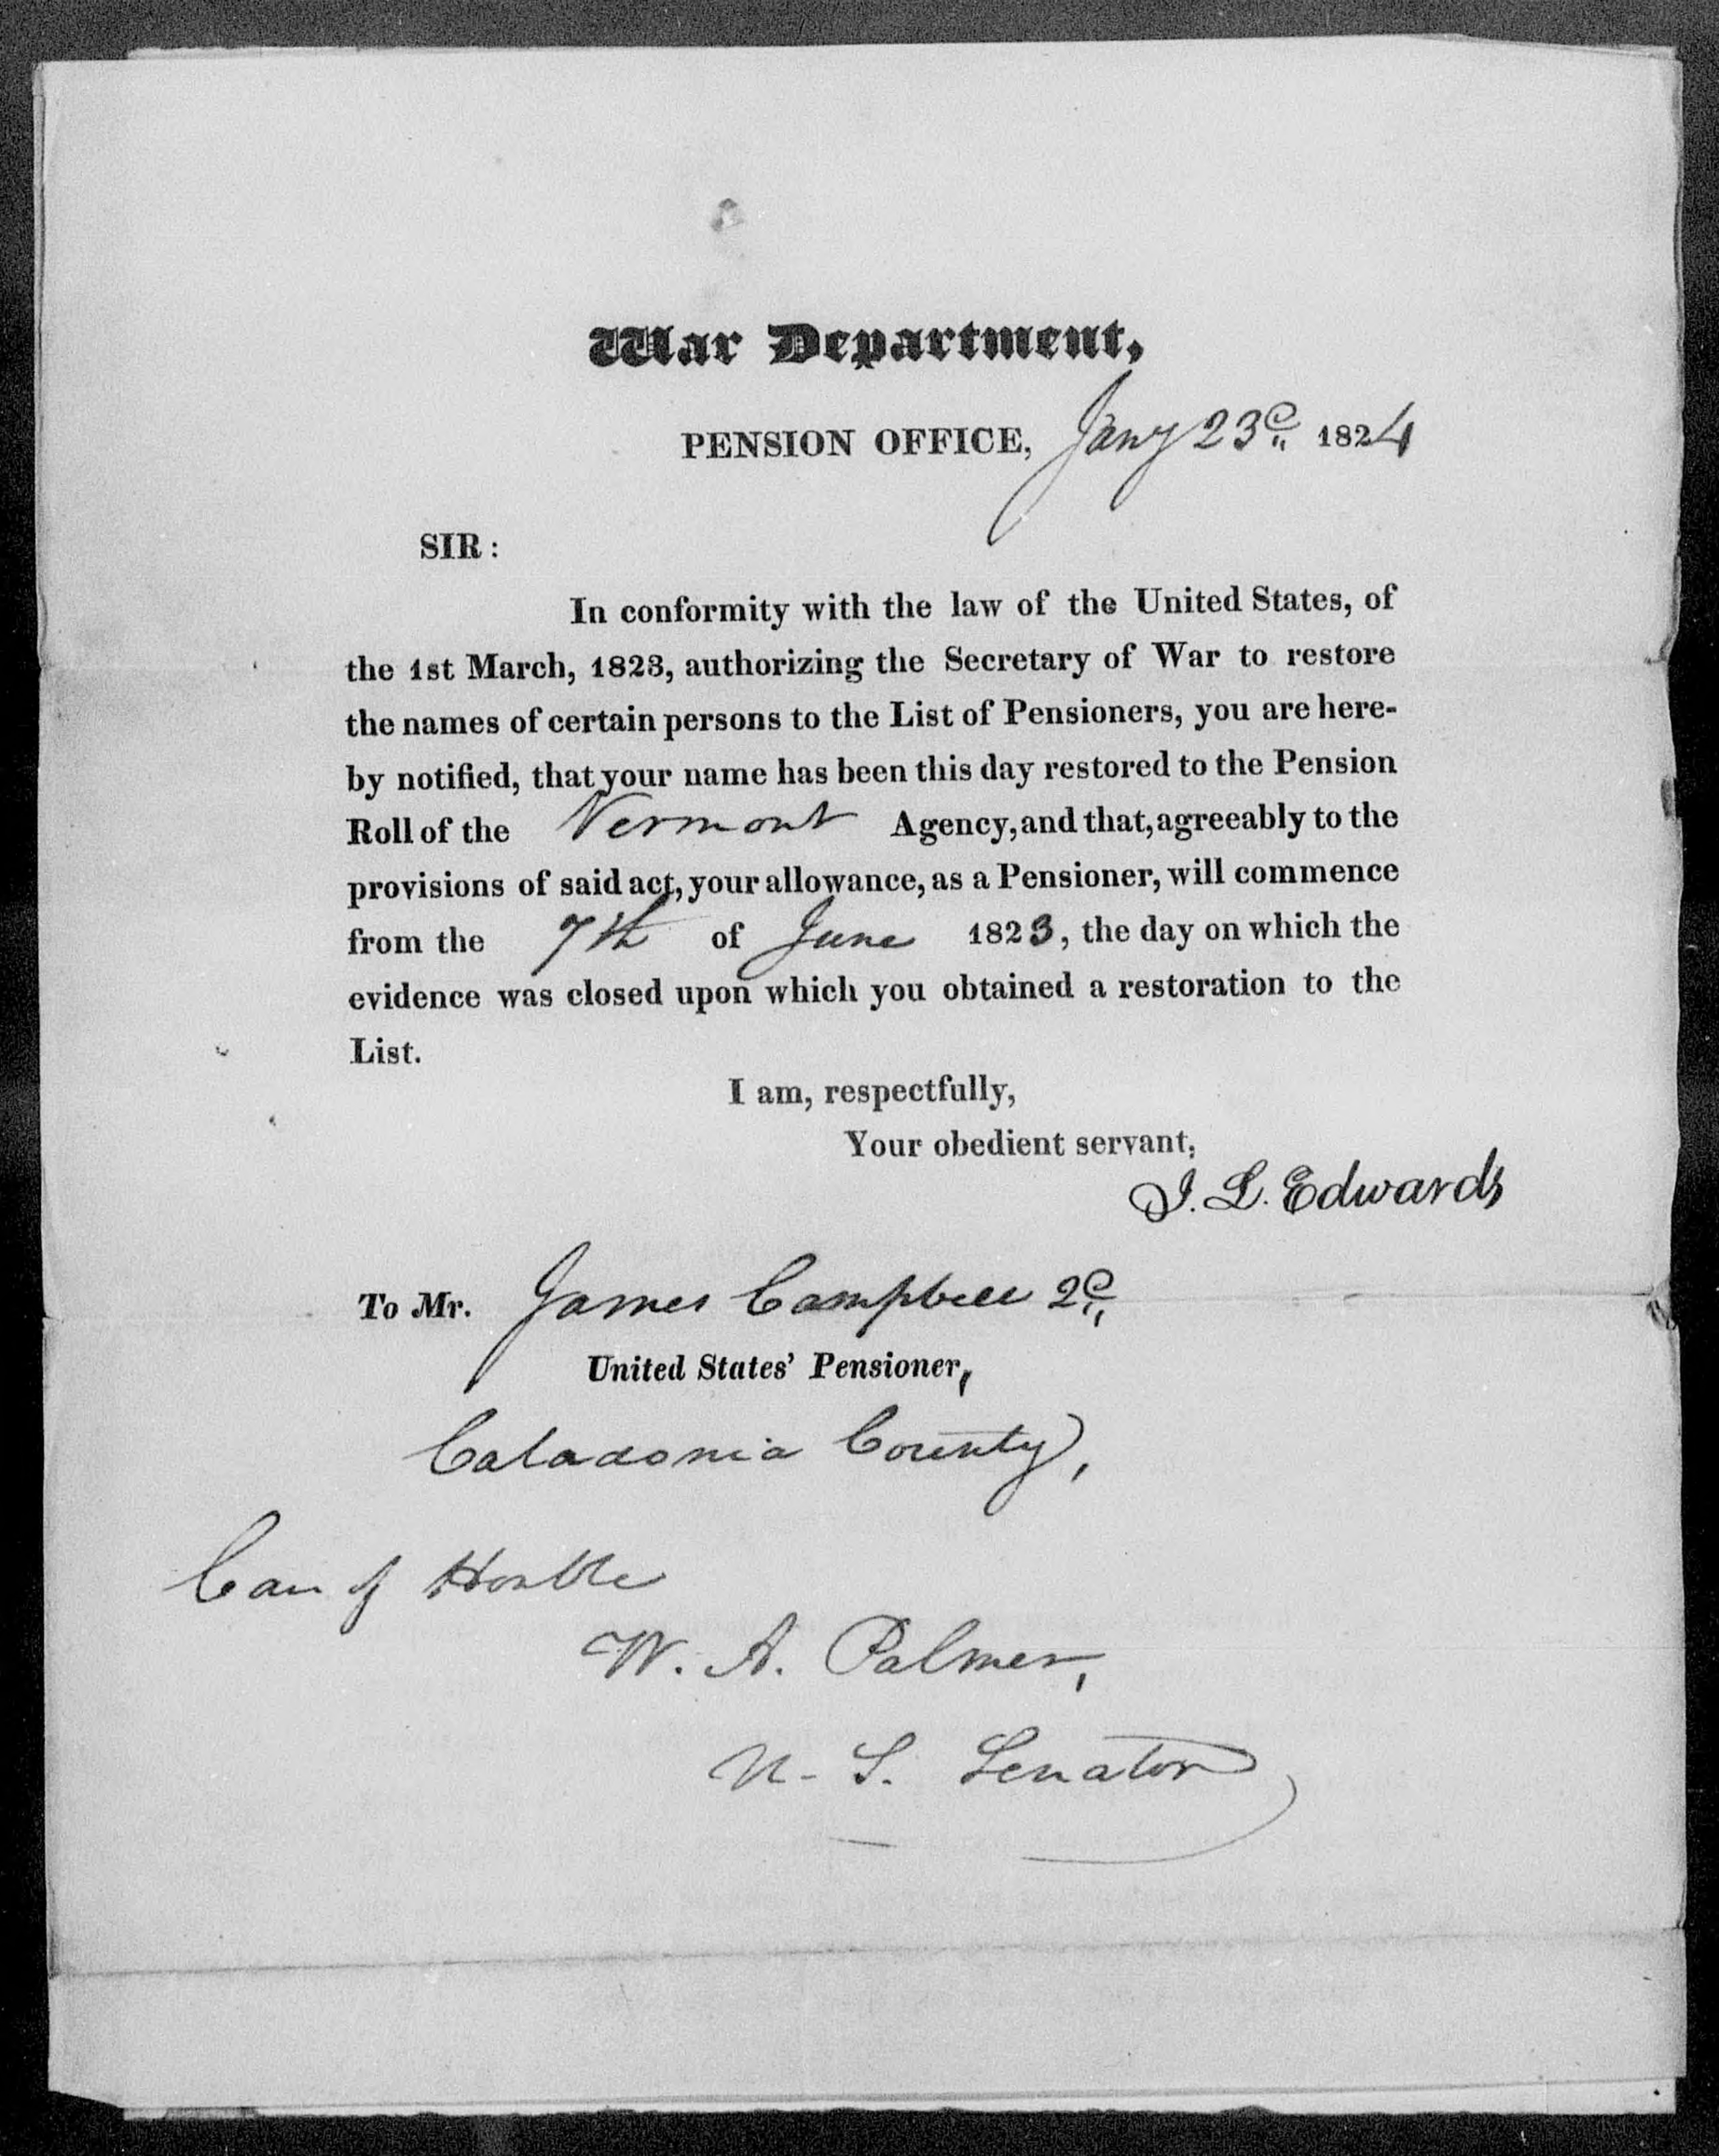War Department,

PENSION OFFICE, Jany 23d. 1824

Sir:

In conformity with the law of the United States, of the 1st March, 1828, authorizing the Secretary of War to restore the names of certain persons to the List of Pensioners, you are hereby notified, that your name has been this day restored to the Pension Roll of the Vermont Agency, and that, agreeably to the provisions of said act, your allowance, as a Pensioner, will commence from the 7th of June 1823, the day on which the
evidence was closed upon which you obtained a restoration to the List.

I am, respectfully,
Your obedient servant:
J.L. Edwards


To Mr. James Campbell 2d
United States' Pensioner,
Caledonia County,

Case of Honble
W.A. Palmer,
N.Y. Senator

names: W A Palmer, James Campbell, J L Edwards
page: 43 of 67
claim: widow's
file: W. 23772, James Campbell, Continental Mass.